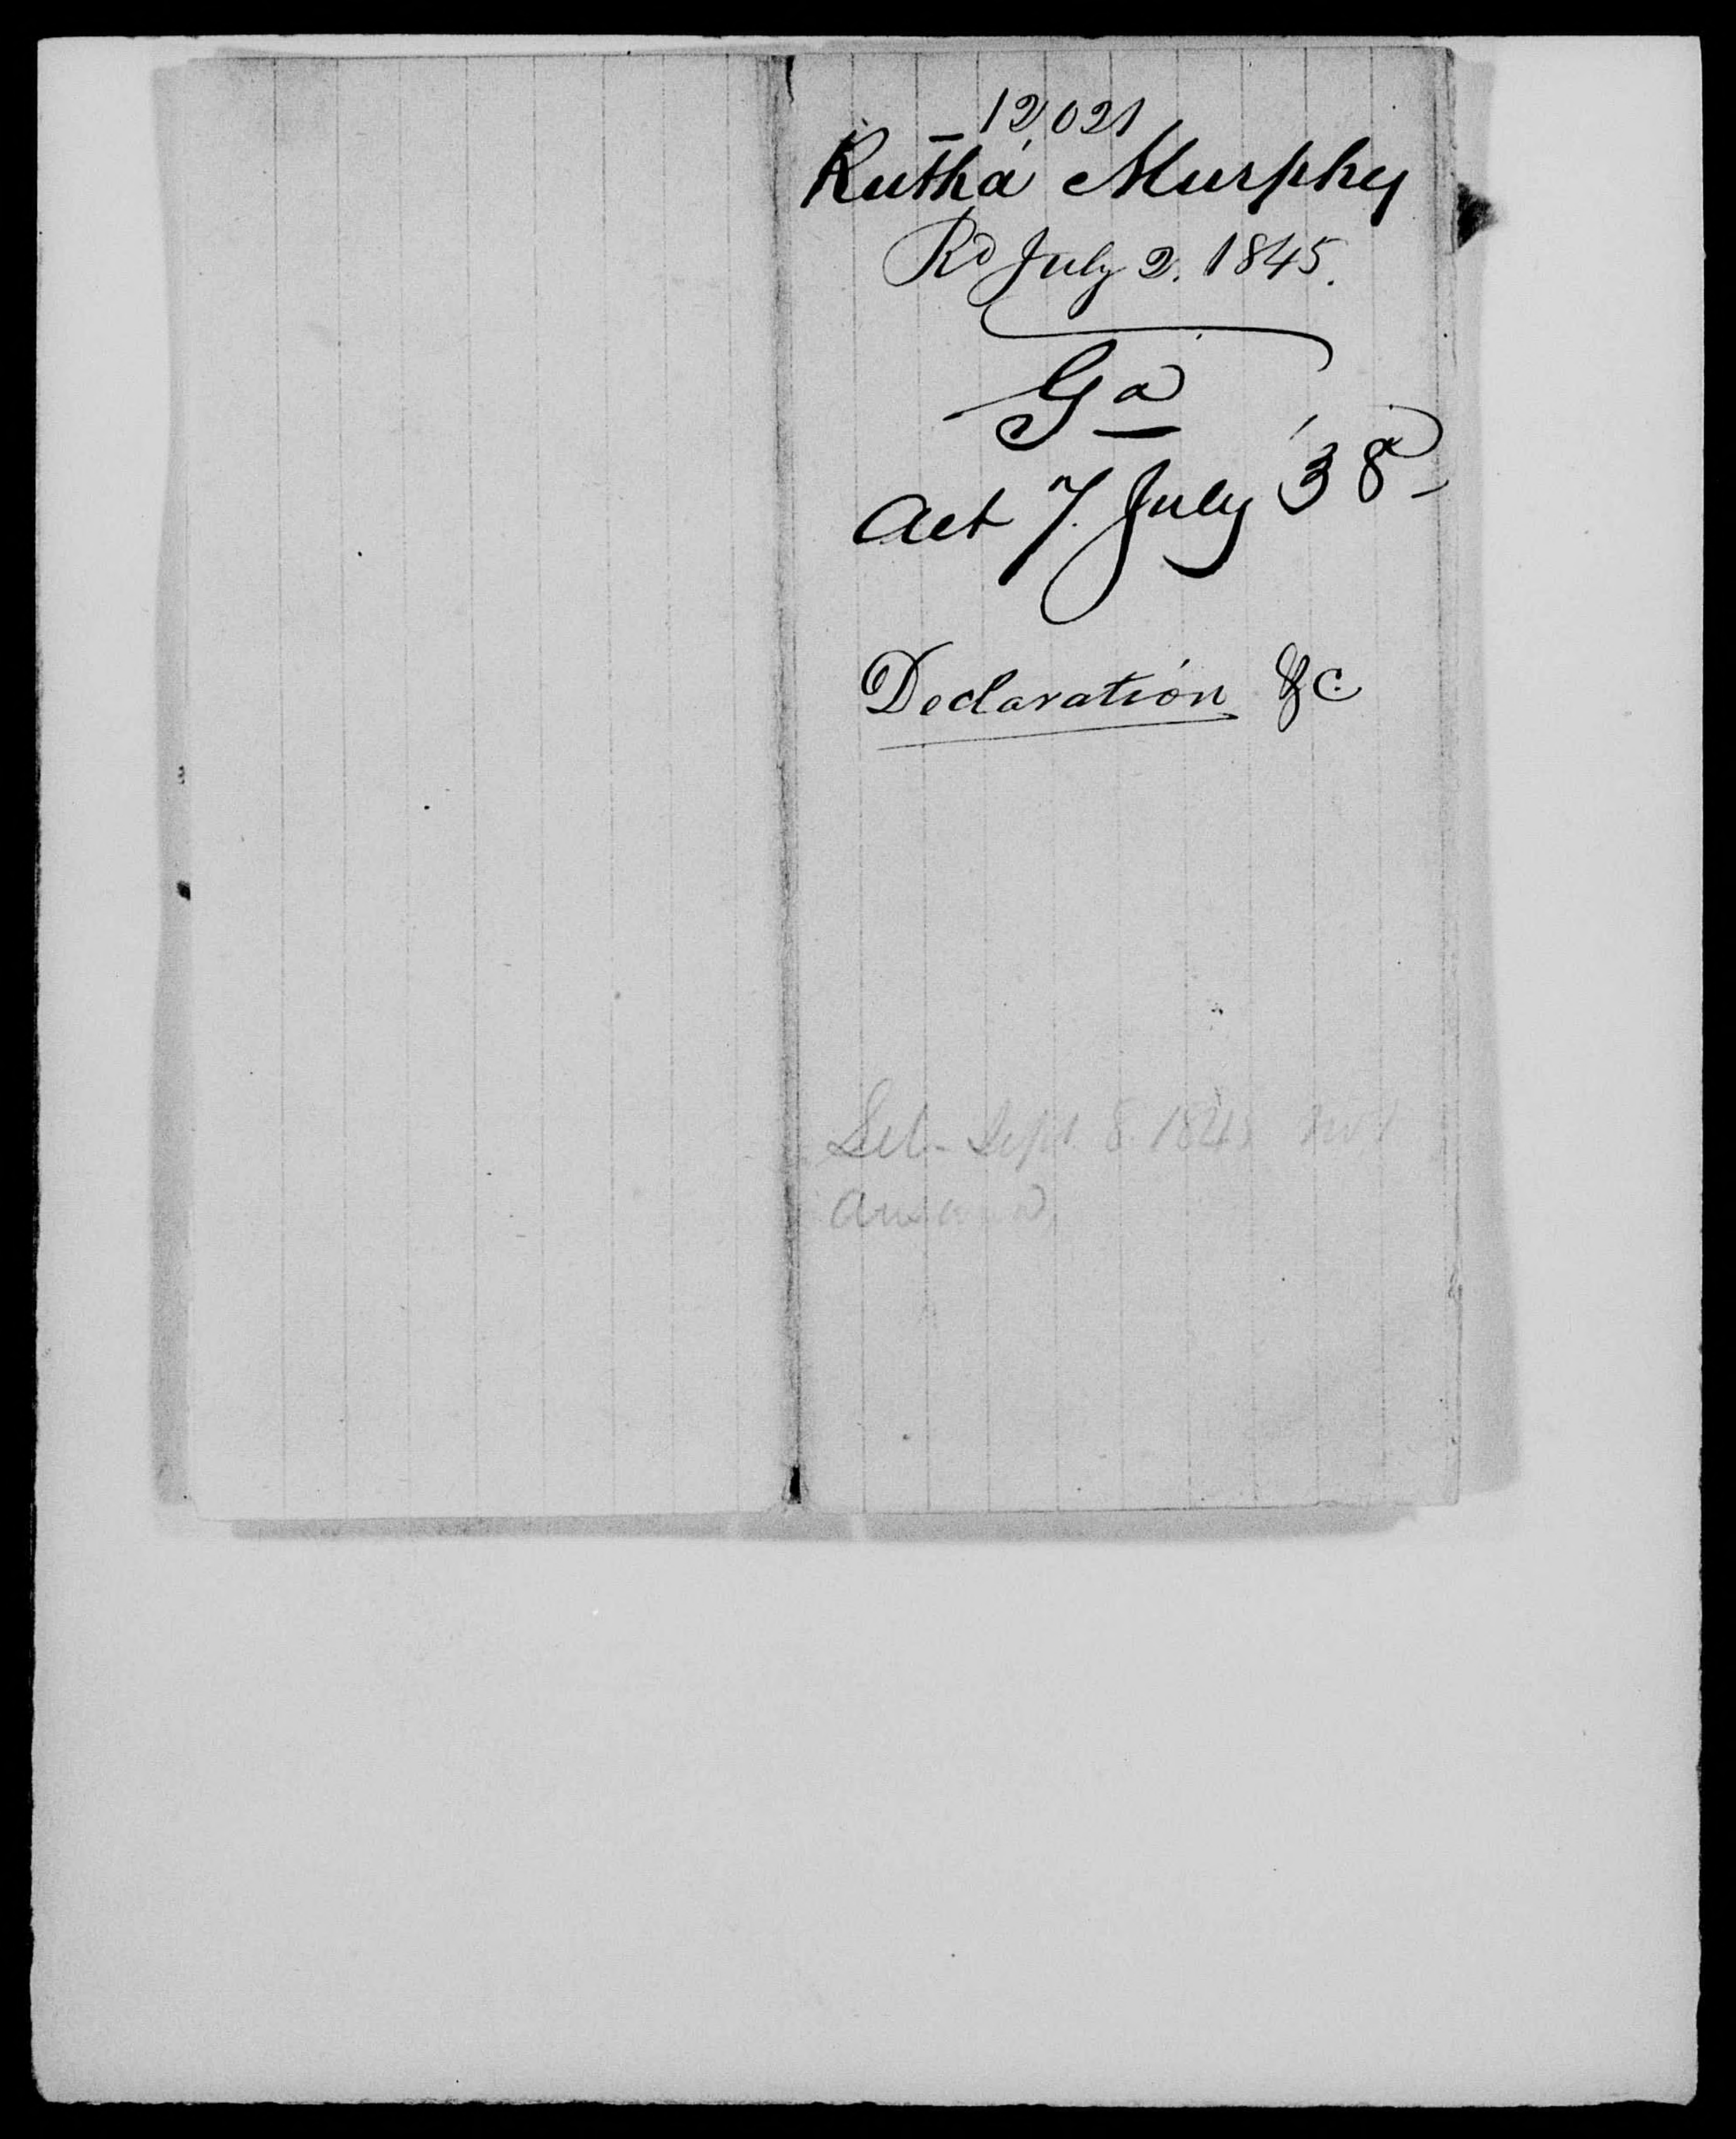12021
Rutha Murphy
Rd July 3. 1845
Ga
Act 7 July 38
Declaration LC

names: Rutha Murphy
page: 8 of 108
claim: rejected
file: R. 7,515, John Hudgins, N.C.